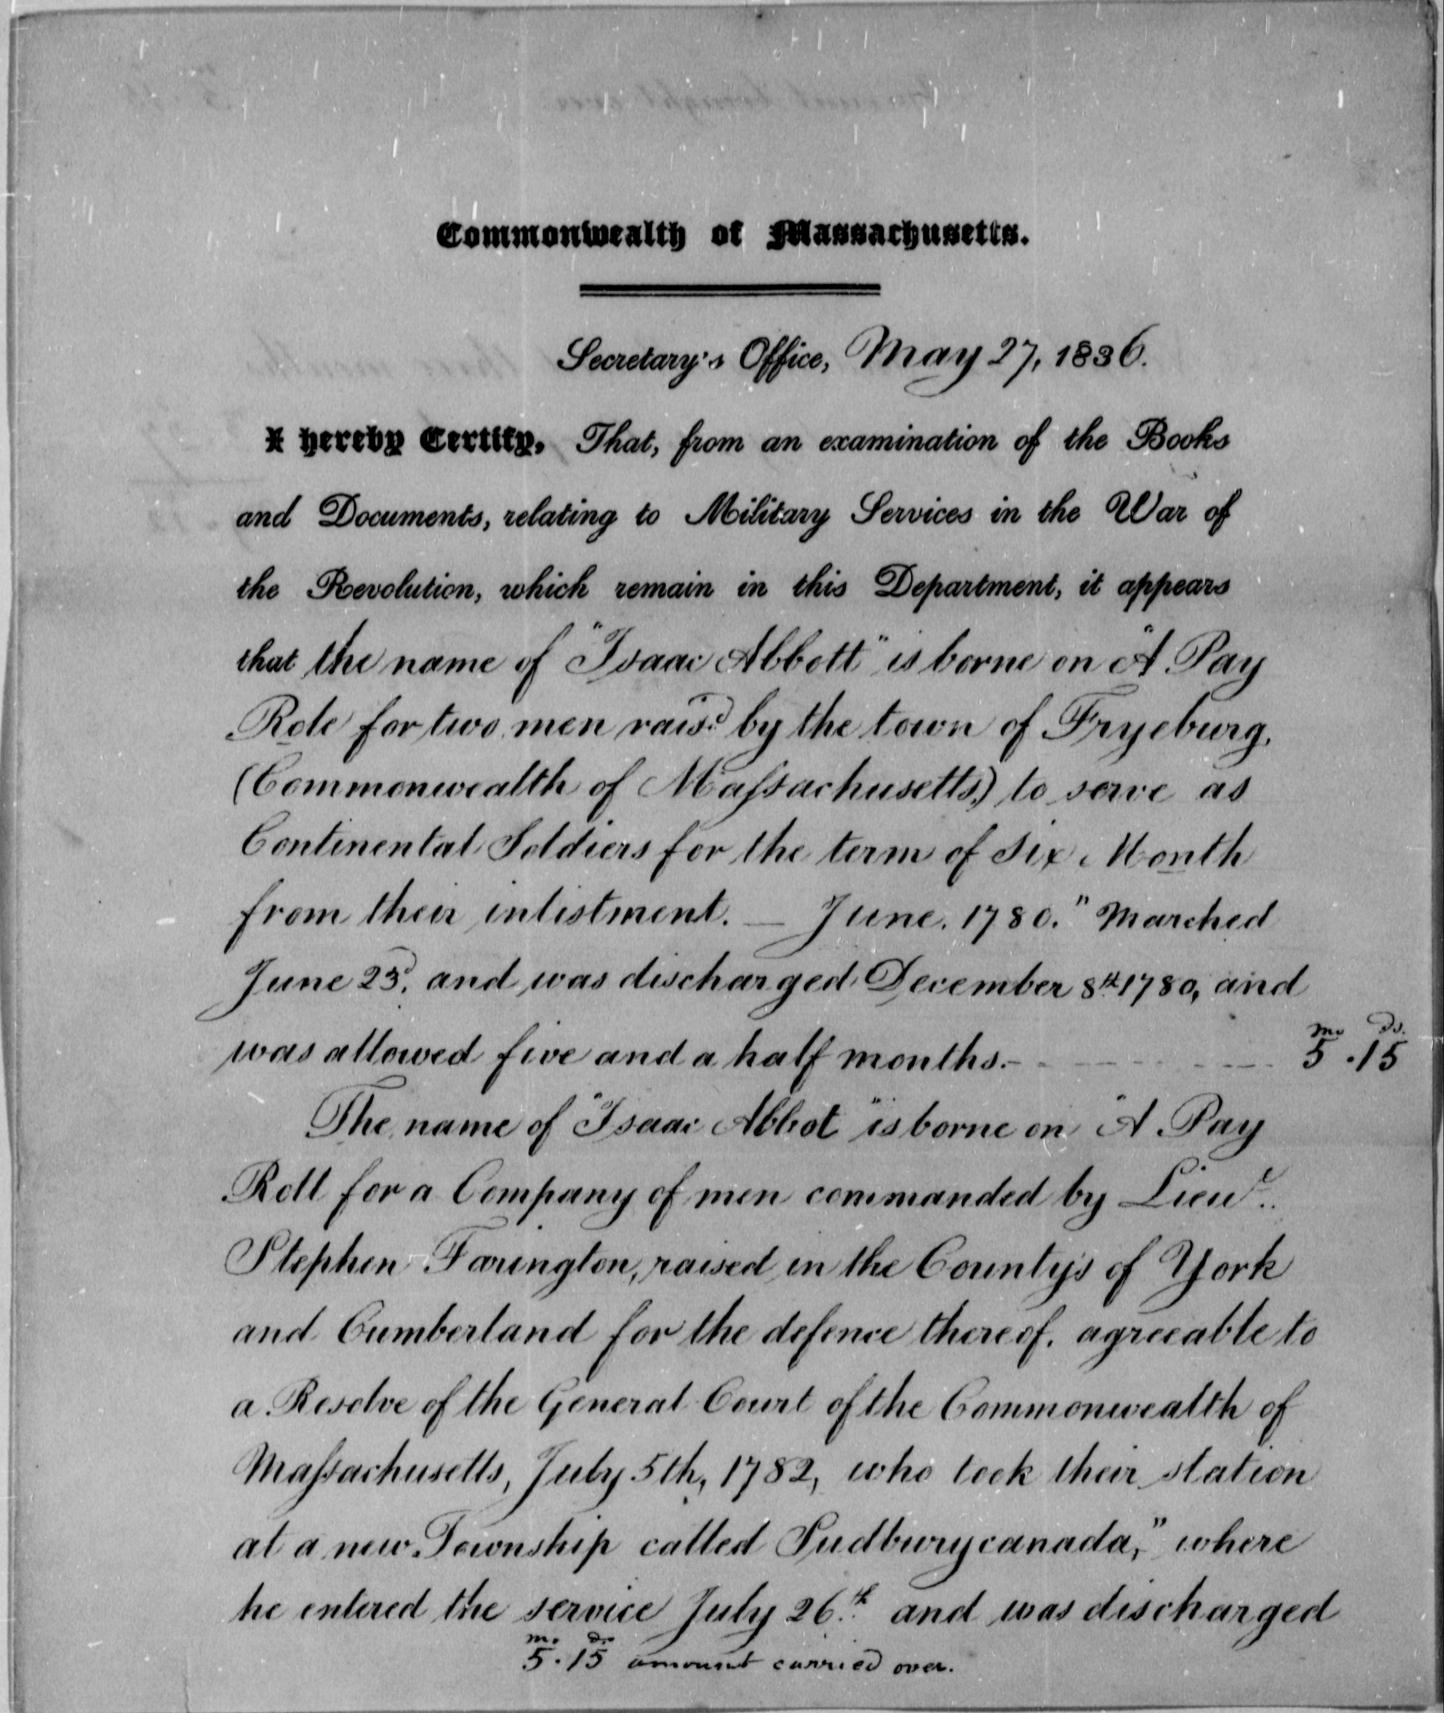Commonwealth of Massachusetts.
====================

Secretary's Office, May 27, 1836.

I hereby certify, That, from an examination of the Books and Documents, relating to Military Services in the War of the Revolution, which remain in this Department, appears that the named "Isaac Abbott" is borne on "A Pay Role for two men raised by the town of Fryeburg (Commonwealth of Massachusetts) to serve as Continental Soldiers for the town of six Month from their enlistment. - June, 1780. "Marched June 23rd and was discharged December 8th, 1780, and was allowed five and a half months. ---------- 5(mo).15{ds.)
The name of "Isaac Abbott" is borne on "A Pay Roll for a Company of men commanded by Lieu't Stephen Farrington, raised in the County's of York and Cumberland for the defense thereof, agreeable to a Resolve of the General Court of the Commonwealth of Massachusetts, July 5th, 1782, who took their station at a new Township called "Sudbury, Canada," where he entered the service, July 26th, and was discharged.
5(mo.).15(ds.) amount carried over.
...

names: Isaac Abbot, Isaac Abbott, Stephen Farington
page: 49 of 86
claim: survivor's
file: S 29,568, Isaac Abbot, Mass